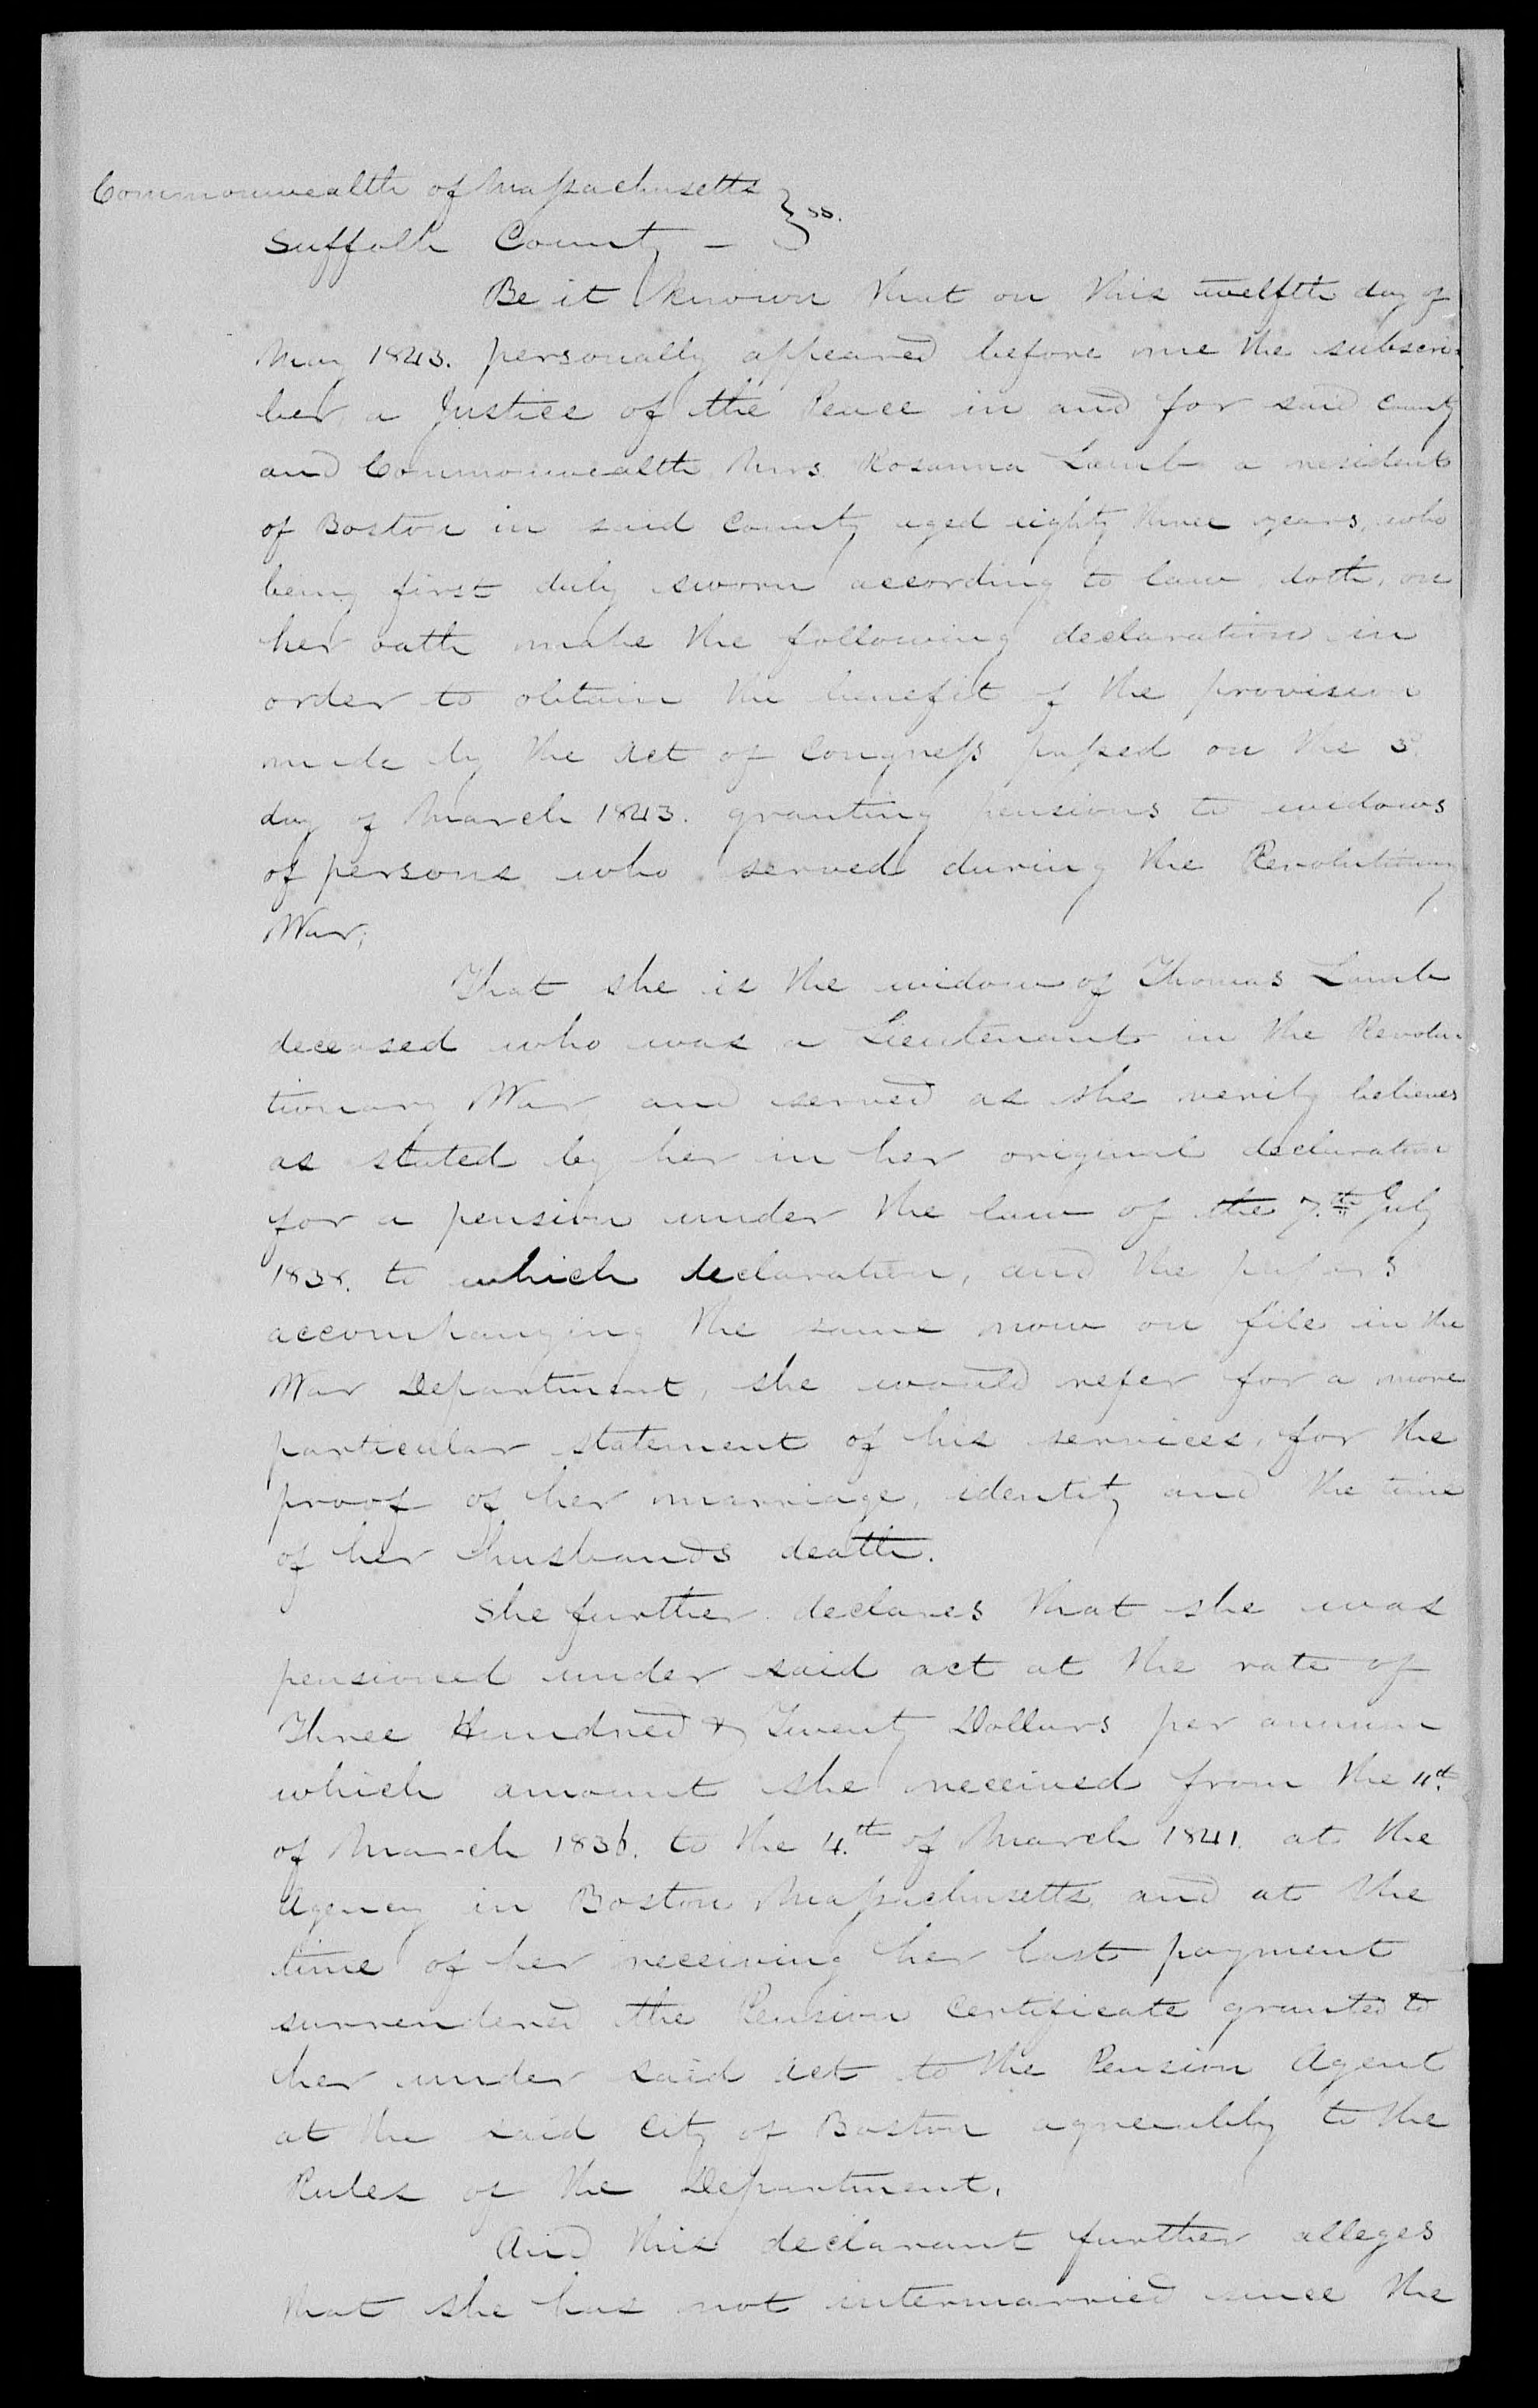Commonwealth of Massachusetts
Suffolk County} ss.
Beit known that on this twelfth day of May 1843, personally appeared before me the subscriber a Justice of the Peace in and for said County and Commonwealth Mrs. Rosanna Lamb a resident of Boston in said County aged eighty three years, who being first duly sworn according to law doth, on her oath make the following declaration in order to obtain the benefit of the provision made by the act of Congress passed on the 3rd day of March 1843, granting pensions to widows of persons who served during the Revolutionary War.
That she is the widow of Thomas Lamb deceased who was a Lieutenant in the Revolutionary War and served as she verily believes as stated by her in her original declaration for a pension under the law of the 7th July 1838, to which declaration, and the papers accompanying the same now on file in the War Department, she wants refer for a more particular statement of his services, for the proof of her marriage, identity and the time of her husband's death.
She further declares that she was pensioned under said act at the rate of Three hundred Twenty Dollars per annum which amount she received from the 11th of March 1836 to the 4th of March 1841 at the Agency in Boston, Massachusetts, and at the time of her receiving her last payment surrendered the Pension Certificate granted to her under said Act to the Pension Agent at the said City of Boston agreeably to the Rules of the Department.
And this declarant further alleges that she has not intermarried since the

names: Rosanna Lamb; Thomas Lamb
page: 20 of 23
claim: widow's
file: W. 15010, for Thomas Lamb, Massachusetts